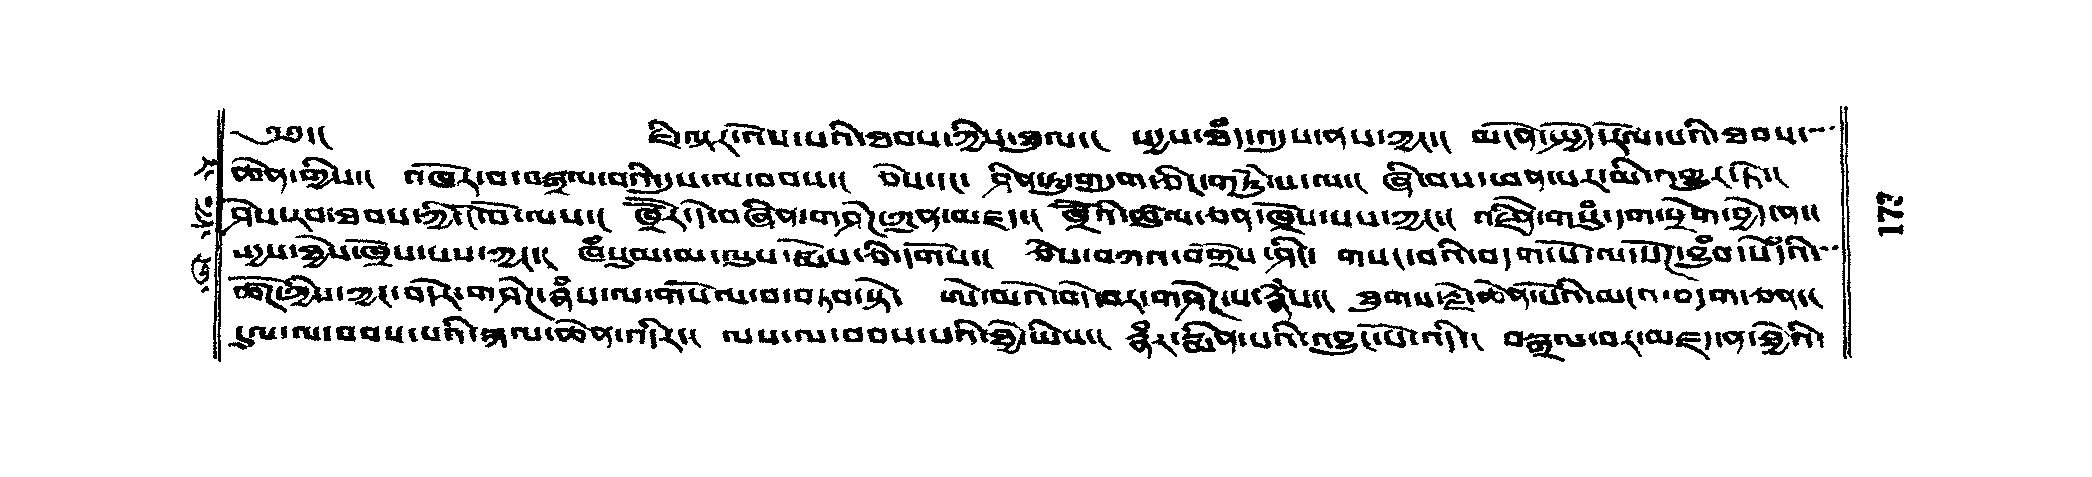ཇི་ལྟར་འོས་པའི་ཐབས་ཀྱི་ཐུལ། སངས་རྒྱས་ཐམས་ཅད་འདུས་ནས་ཀྱང་། མངོན་སྤྱོད་རོལ་པའི་ཐབས་
ཆེན་གྱིས། འཁོར་བ་བསྒྲལ་བའི་དུས་ལ་བབས། ཅེས་དང་། ཤིན་ཏུ་གདུག་ཅིང་གཏུམ་པ་ལ། ཞི་བས་ཕན་པར་མི་འགྱུར་ཏེ། 
ཤེས་རབ་ཐབས་ཀྱི་ངོ་བོ་ལས། ཁྲོ་བོར་དེ་བཞིན་གཤེགས་ཀུན་མཛད། ཁྲོ་བོའི་ཚུལ་ཙན་ཁྲོས་པས་ཀྱང་། འཇིག་རྟེན་གསུམ་དག་སྲེག་བྱེད་ན། 
སངས་རྒྱས་ཐུགས་རྗེས་ཁྲོས་པས་ཀྱང་། ཁམས་གསུམ་མ་ལུས་སྨོས་ཅི་དགོས། ཅེས་བཀའ་བགྲོས་ཤིང་། གསང་བའི་བདག་པོ་ལ་སོགས་བྱང་ཆུབ་སེམས་དཔའི་
ཚོགས་ཀྱིས་ཀྱང་བདེ་གཤེགས་རྣམས་ལ་གསོལ་བ་བཏབ་སྟེ། ཨེ་མའོ་བདེ་བར་གཤེགས་པ་རྣམས། ཐུགས་རྗེ་ཆེན་པོའི་མངའ་བདག་ཅན། 
ངུལ་ལ་བབས་པའིསྐལ་ཆེན་འདིར། ལས་ལ་བབས་པའི་ཐུགས་རྗེ་ཡིས། རྣམ་པར་སྨིན་པའི་འབྱུང་པོ་འདི། བསྒྲལ་བར་མཛད་ན་ཐུགས་རྗེའི་